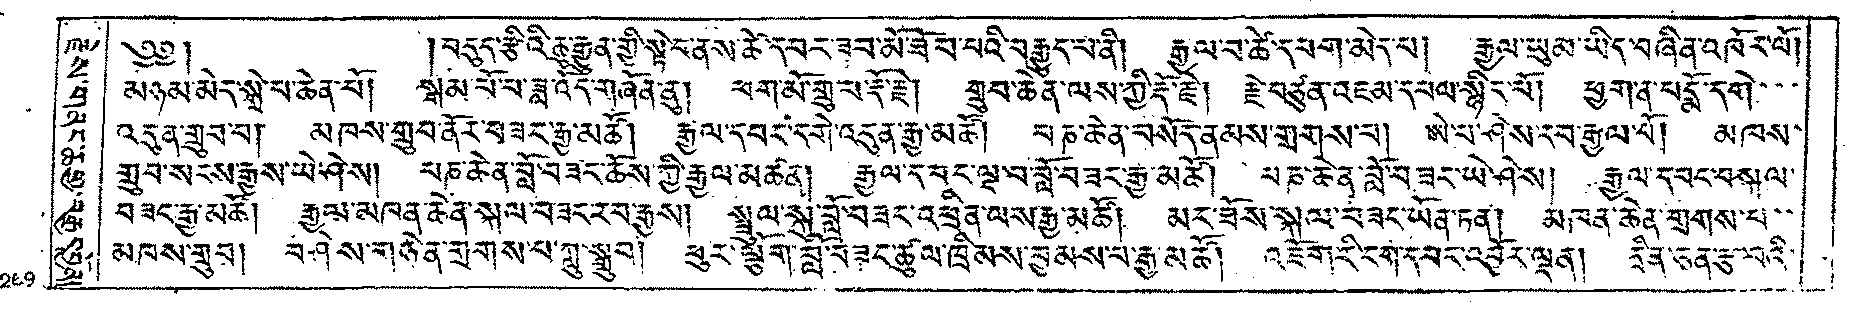༄༅། །བདུད་རྩིའི་ཆུ་རྒྱུན་གྱི་སྟེང་ནས་ཚེ་དབང་ཟབ་མོ་ཐོབ་པའི་བརྒྱུད་པ་ནི། རྒྱལ་བ་ཚེ་དཔག་མེད་པ། རྒྱལ་ཡུམ་ཡིད་བཞིན་འཁོར་ལོ།
མཉམ་མེད་སྒྲེ་པ་ཆེན་པོ། སྒམ་པོ་པ་ཟླ་འོད་གཞོན་ནུ། ཕག་མོ་གྲུ་པ་རྡོ་རྗེ། གྲུབ་ཆེན་ལས་ཀྱི་རྡོ་རྗེ། རྗེ་བཙུན་འཇམ་དཔལ་སྙིང་པོ། ཕྱག་ན་པདམ་དགེ་
འདུན་གྲུབ་པ། མཁས་གྲུབ་ནོར་བཟང་རྒྱ་མཚོ། རྒྱལ་དབང་དགེ་འདུན་རྒྱ་མཚོ། པཎ་ཆེན་བསོད་ནམས་གྲགས་པ། ཨེ་པ་ཤེས་རབ་རྒྱལ་པོ། མཁས་
གྲུབ་སངས་རྒྱས་ཡེ་ཤེས། པཎ་ཆེན་བློ་བཟང་ཆོས་ཀྱི་རྒྱལ་མཚན། རྒྱལ་དབང་ལྔ་པ་བློ་བཟང་རྒྱ་མཚོ། པཎ་ཆེན་བློ་བཟང་ཡེ་ཤེས། རྒྱལ་དབང་བསྐལ་
བཟང་རྒྱ་མཚོ། རྒྱལ་མཁན་ཆེན་སྐལ་བཟང་རབ་རྒྱས། སྤྲུལ་སྐུ་བློ་བཟང་འཕྲིན་ལས་རྒྱ་མཚོ། མང་ཐོས་སྐལ་བཟང་ཡོན་ཏན། མཁན་ཆེན་གྲགས་པ་
མཁས་གྲུབ། བཤེས་གཉེན་གྲགས་པ་ཀླུ་སྒྲུབ། ཕུར་ལྕོག་བློ་བཟང་ཚུལ་ཁྲིམས་བྱམས་པ་རྒྱ་མཚོ། འཇོག་རི་ངག་དབང་འབྱོར་ལྡན། དྲིན་ཅན་རྩ་བའི་